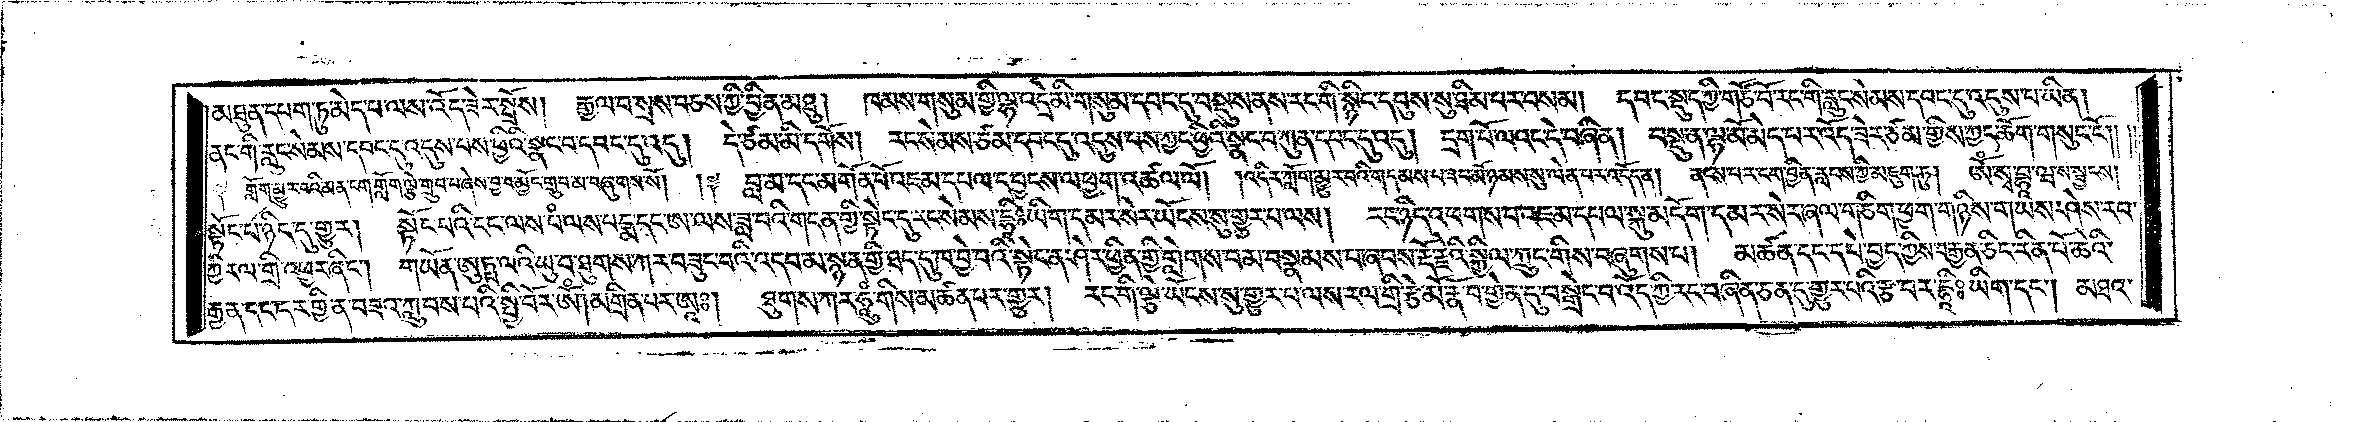མཐུན་དཔག་ཏུ་མེད་པ་ལས་འོད་ཟེར་སྤྲོས། རྒྱལ་བ་སྲས་བཅས་ཀྱི་བྱིན་མཐུ། ཁམས་གསུམ་གྱི་ལྷ་འདྲེ་མི་གསུམ་དབང་དུ་བསྡུས་ནས་རང་གི་སྙིང་དབུས་སུ་ཐིམ་པར་བསམ། དབང་སྡུད་ཀྱི་གཙོ་བོ་རང་གི་རླུང་སེམས་དབང་དུ་འདུས་པ་ཡིན།
ནང་གི་རླུང་སེམས་དབང་དུ་འདུས་པས་ཕྱིའི་སྣང་བ་དབང་དུ་འདུ། དེ་ཙམ་མི་དགོས། རང་སེམས་ཙམ་དབང་དུ་འདུས་པས་ཀྱང་ཕྱིའི་སྣང་བ་ཀུན་དབང་དུ་འདུ། དྲག་པོ་ལའང་དེ་བཞིན། བསྡུ་ན་ལྷ་མོ་མེད་པར་འོད་ཟེར་ཙམ་གྱིས་ཀྱང་ཆོག་གསུང་ངོ།། །།
༈ གློག་མྱུར་བའི་མན་ངག་གློག་ལྕེ་གྲུབ་པ་ཞེས་བྱ་བ་མྱོང་གྲུབ་མ་བཞུགས་སོ།  །༈ བླ་མ་དང་མགོན་པོ་འཇམ་དཔལ་དབྱངས་ལ་ཕྱག་འཚལ་ལོ། །འདིར་ཀློག་མྱུར་བའི་གདམས་པ་ཟབ་མོ་ཉམས་སུ་ལེན་པར་འདོད་ན། ནངས་པར་ངག་བྱིན་རླབས་ཀྱི་མཇུག་ཏུ།  ཨོཾ་སྭ་བྷཱ་ཝས་སྦྱངས།
སྟོང་པ་ཉིད་དུ་གྱུར། སྟོང་པའི་ངང་ལས་པཾ་ལས་པདམ་དང་ཨ་ལས་ཟླ་བའི་གདན་གྱི་སྟེང་དུ་རང་སེམས་དྷཱིཿཡིག་དམར་སེར་ཡོངས་སུ་གྱུར་པ་ལས། རང་ཉིད་འཕགས་པ་འཇམ་དཔལ་སྐུ་མདོག་དམར་སེར་ཞལ་གཅིག་ཕྱག་གཉིས་གཡས་ཤེས་རབ་
ཀྱི་རལ་གྲི་འཕྱར་ཞིང་། གཡོན་ཨུཏྤ་ལའི་ཡུ་བ་ཐུགས་ཀར་བཟུང་བའི་འདབ་མ་སྙན་གྱི་ཐད་དུ་ཁ་བྱེ་བའི་སྟེང་ན་ཤེར་ཕྱིན་གྱི་གླེགས་བམ་བསྣམས་པ་ཞབས་རྡོ་རྗེའི་སྐྱིལ་ཀྲུང་གིས་བཞུགས་པ། མཚན་དང་དཔེ་བྱད་ཀྱིས་བརྒྱན་ཅིང་རིན་པོ་ཆེའི་
རྒྱན་དང་དར་གྱི་ན་བཟའ་ཀླུབས་པའི་སྤྱི་བོར་ཨོཾ་།མགྲིན་པར་ཨཱཿ། ཐུགས་ཀར་ཧཱུཾ་གིས་མཚན་པར་གྱུར། རང་གི་ལྕེ་ཡོངས་སུ་གྱུར་པ་ལས་རལ་གྲི་རྩེ་མོ་རྣོ་བ་གྱེན་དུ་བསྒྲེང་བ་འོད་ཀྱི་རང་བཞིན་ཅན་དུ་གྱུར་པའི་རྩ་བར་དྷཱིཿཡིག་དང་། མཐའ་